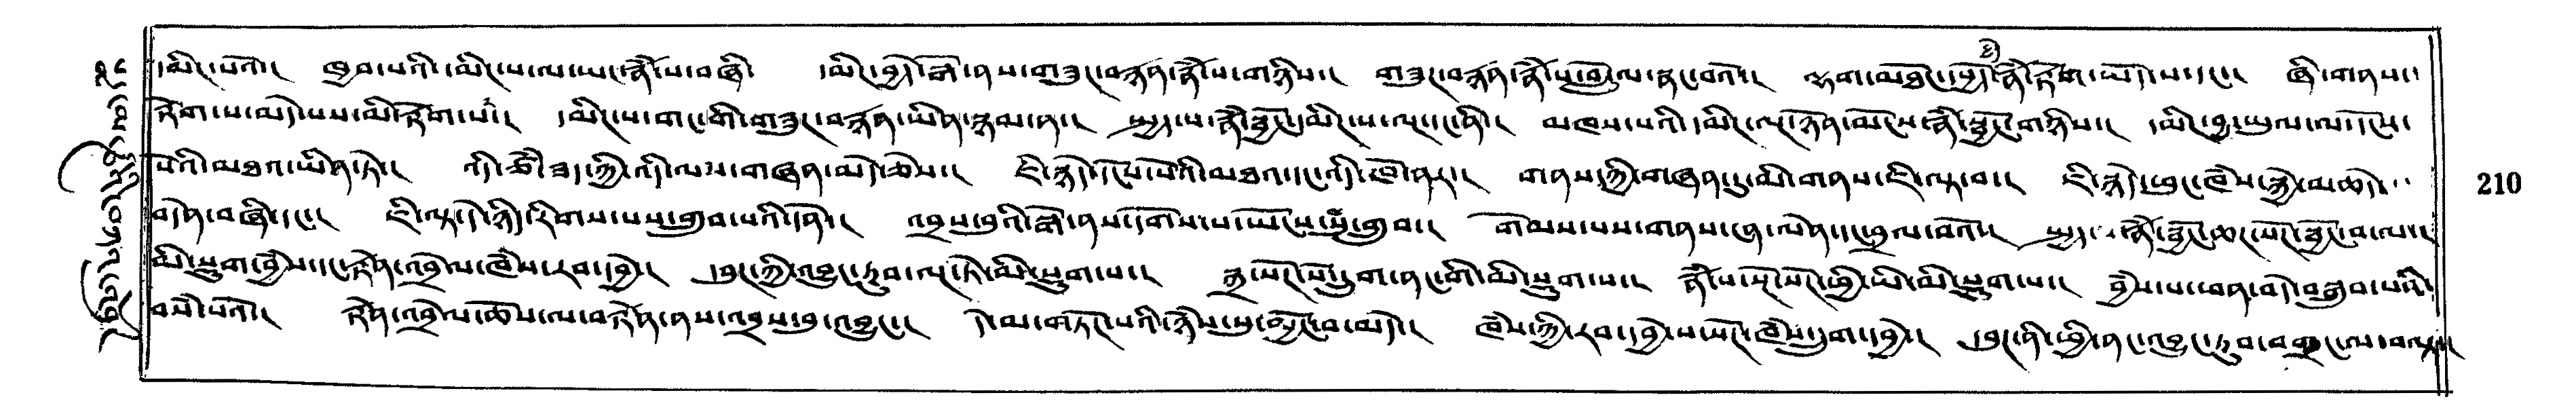དམིགས་པའོ། ཁྱབ་པའི་དམིགས་པ་ལ་ཡང་རྣམ་པ་བཞི། །དམིགས་བྱེད་སྒོ་ནས་གཟུགས་བརྙན་རྣམ་པ་གཉིས། །གཟུགས་བརྙན་རྣམ་པ་བློ་ལ་སྣང་བའོ། །ལྷག་མཐོང་དཔྱོད་བྱེད་རྣམ་རྟོག་ཡོད་པ་དང་། །ཞི་གནས་
རྟོག་པ་མེད་པས་མི་རྟོག་པ། །དམིགས་པ་གང་གི་གཟུགས་བརྙན་ཡིན་སྙམ་ན། །སྤྱད་པ་རྣམ་སྦྱོང་དམིགས་པ་ལྔ་དང་ནི། །མཁས་པའི་དམིགས་ལྔ་ཉོན་མོངས་རྣམ་སྦྱོང་གཉིས། །དམིགས་བྱ་ཡུལ་ལ་དངོས་
པོའི་མཐའ་ཡིན་ཏེ། །འདི་ཙམ་ཟད་ཀྱི་འདི་ལས་གཞན་མེད་ཅེས། །ཇི་སྙེད་དངོས་པོའི་མཐའ་དང་འདི་ཁོ་ནར། །གནས་ཀྱི་གཞན་དུ་མི་གནས་ཇི་ལྟ་བ། །ཇི་སྙེད་ཕུང་ཁམས་སྐྱེ་མཆེད་
བདེན་བཞི་དང་། །ཇི་ལྟ་དེ་ཉིད་རིགས་པས་གྲུབ་པའི་དོན། །འབྲས་བུའི་སྒོ་ནས་དགོས་པ་ཡོངས་སུ་གྲུབ། །གོམས་པས་གནས་ངན་ལེན་དང་བྲལ་བའོ། །སྤྱད་པ་རྣམ་སྦྱོང་ཆགས་སོགས་སྦྱོང་བ་ལ། །
མི་སྡུག་བྱམས་དང་རྟེན་འབྲེལ་ཁམས་རབ་དབྱེ། །དབུགས་ཀྱི་འབྱུང་རྔུབ་ལྔ་སྟེ་མི་སྡུག་པ། །སྐྲ་སོགས་སོ་དྲུག་ནང་གི་མི་སྡུག་པ། །རྣམ་པ་སྔོ་སོགས་ཕྱི་ཡི་མི་སྡུག་པ། །བྱམས་པ་ཕན་བདེ་བསྒྲུབ་པའི་
བསམ་པའོ། །རྟེན་འབྲེལ་ཆོས་ལ་བརྟེན་ནས་འབྲས་བུ་འབྱུང་། །དེ་མ་གཏོགས་པའི་ཉམས་སུ་མྱོང་བ་མེད། ཁམས་ཀྱི་རབ་དབྱེ་ས་སོགས་ཁམས་དྲུག་དབྱེ། །དབུགས་ནི་ཕྱི་ནང་འབྱུང་རྔུབ་བགྲང་ལ་བལྟ། །